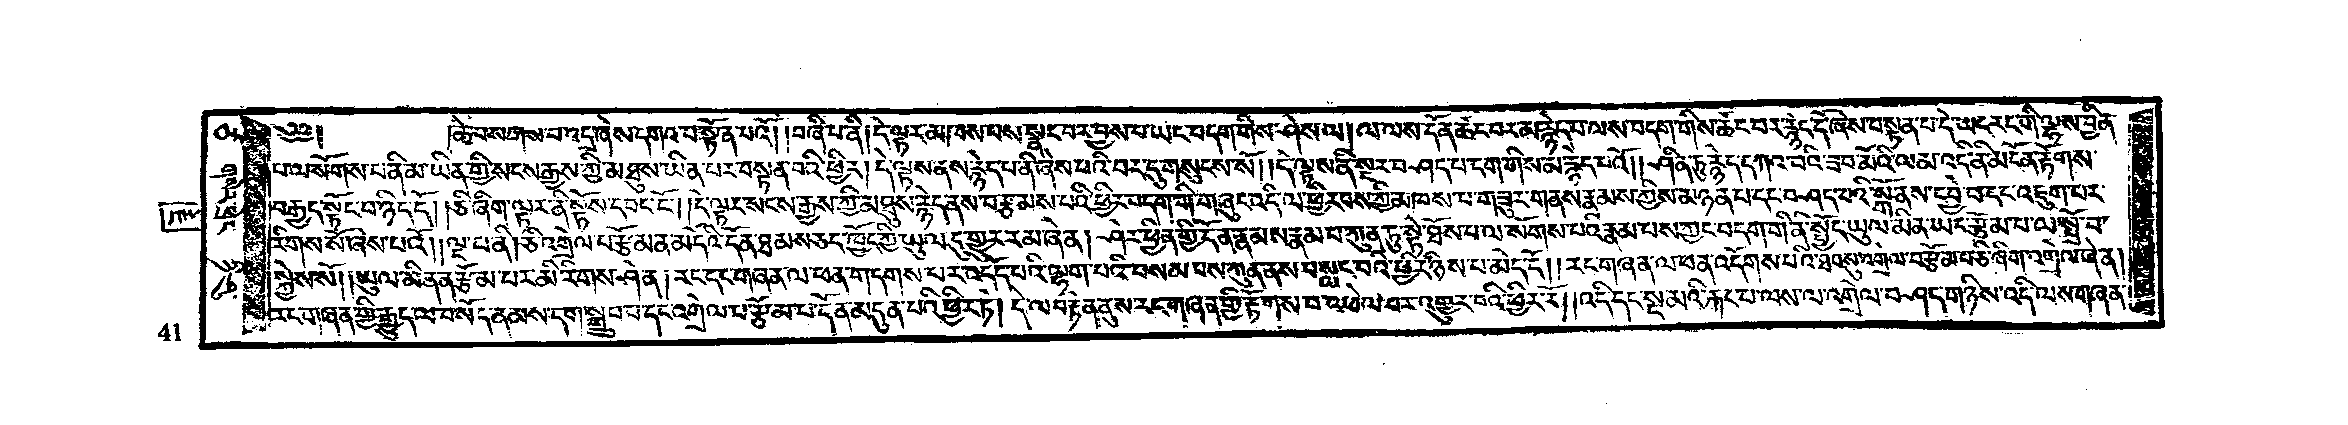༄༅། །ཆེ་བསགས་པའང་ཞེས་དགའ་བ་སྟོན་པའོ། །བཞི་པ་ནི། དེ་ལྟར་མཁས་པས་སྣང་བར་བྱས་པ་ཡང་བདག་གིས་ཤེས་ལ། ལ་ལས་དོན་ཚང་བར་མ་རྙེད་པ་ལས་བདག་གིས་ཚང་བར་རྙེད་དོ་ཞེས་བསྟན་པ་དེ་ཡང་རང་གི་ལྷས་བྱིན་
པ་ལ་སོགས་པ་ནི་མ་ཡིན་གྱི་སངས་རྒྱས་ཀྱི་མཐུས་ཡིན་པར་བསྟན་པའི་ཕྱིར། དེ་ལྟས་ནས་རྙེད་པ་ནི་ཞེས་པའི་བར་དུ་གསུངས་སོ། །དེ་ལྟས་ནི་སྔར་བཤད་པ་དག་གིས་མ་རྙེད་པའོ། །ཤིན་ཏུ་རྙེད་དཀའ་བའི་ཟབ་མོའི་ལམ་འདི་ནི་མངོན་རྟོགས་
བརྒྱད་སྟོང་པ་ཉིད་དོ། །ཅི་ཞིག་ལྟར་ནི་སྟེས་དབང་ངོ། །དེ་ལྟར་སངས་རྒྱས་ཀྱི་མཐུས་རྙེད་ནས་བརྩམས་པའི་ཕྱིར་བདག་གི་གཞུང་འདི་ལ་ཕྱི་རབས་ཀྱི་མཁས་པ་གཟུར་གནས་རྣམས་ཀྱིས་མཉན་པ་དང་བཤད་པའི་སྒོ་ནས་དབྱེ་བ་དང་འཇུག་པར་
རིགས་སོ་ཞེས་པའོ། །ལྔ་པ་ནི། ཅི་འགྲེལ་པ་རྩོམ་ན་མདོའི་དོན་ཐམས་ཅད་ཁྱོད་ཀྱི་ཡུལ་དུ་གྱུར་རམ་ཞེ་ན། ཤེར་ཕྱིན་གྱི་དོན་རྣམས་རྣམ་པ་ཀུན་ཏུ་སྟེ་ཐོས་པ་ལ་སོགས་པའི་རྣམ་པས་ཀྱང་བདག་གི་ནི་སྤྱོད་ཡུལ་མིན་ཡང་རྩོམ་པ་ལ་སྤྲོ་བ་
སྐྱེས་སོ། །ཡུལ་མིན་ན་རྩོམ་པར་མི་རིགས་ཤེ་ན། རང་དང་གཞན་ལ་ཕན་གདགས་པར་འདོད་པའི་ལྷག་པའི་བསམ་པས་ཀུན་ནས་བསླང་བའི་ཕྱིར་ཉེས་པ་མེད་དོ། །རང་གཞན་ལ་ཕན་འདོགས་པའི་ཐབས་སུ་འགྲེལ་པ་རྩོམ་བཅི་ཞིག་འགྲེལ་ཞེ་ན།
རང་གཞན་གྱི་རྒྱུད་ལ་བསོད་ནམས་དག་སྒྲུབ་པ་དང་འགྲེལ་པ་རྩོམ་པ་དོན་མདུན་པའི་ཕྱིར་ཏེ། དེ་ལ་བརྟེན་ནས་རང་གཞན་གྱི་རྟོགས་པ་འཕེལ་བར་འགྱུར་བའི་ཕྱིར་རོ། །འདི་དང་སྔ་མའི་རྐང་པ་ཐ་མ་ལ་འགྲེལ་བཤད་གཉིས་འདི་ལས་གཞན་